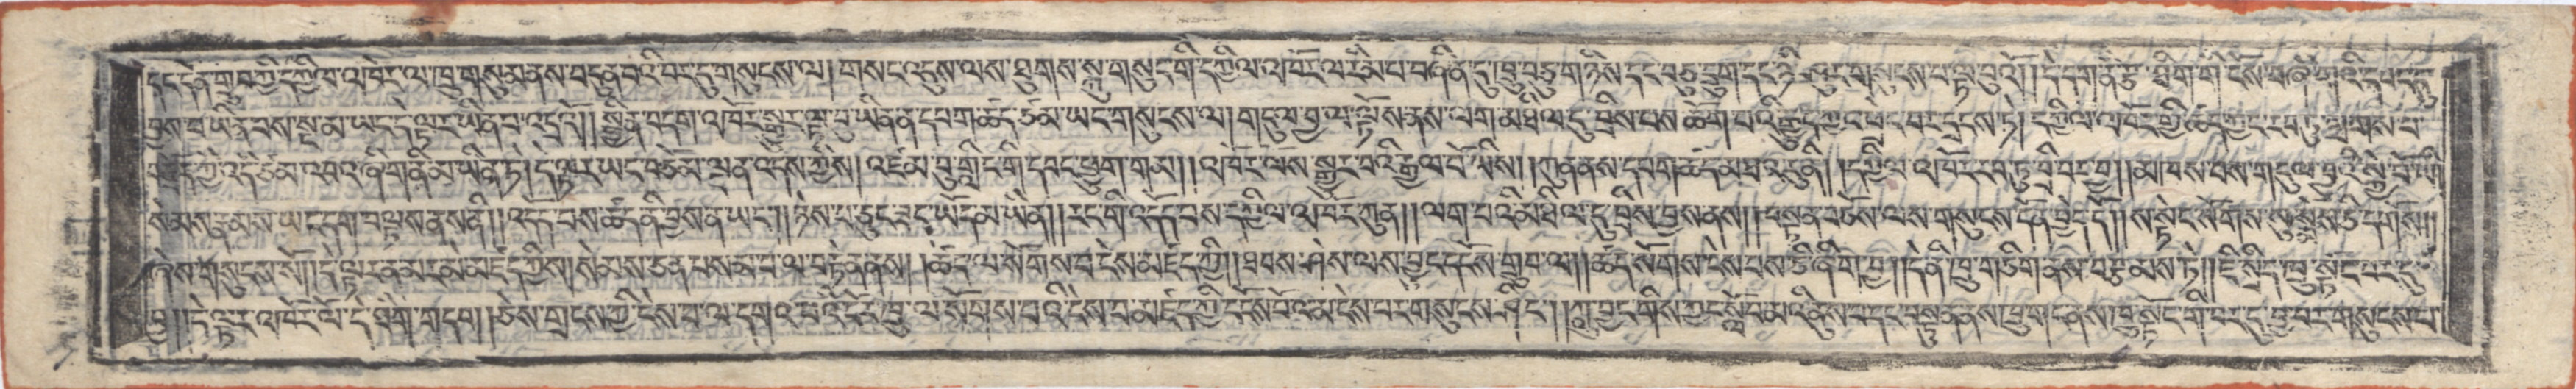དང་དོན་གྲུབ་ཀྱི་དཀྱིལ་འཁོར་ལ་ཁྲུ་གསུམ་ནས་བདུན་པའི་བར་དུ་གསུངས་ལ། གསང་འདུས་ལས་ཐུགས་སྐུ་གསུང་གི་དཀྱིལ་འཁོར་ལ་རིམ་པ་བཞིན་དུ་ཁྲུ་བཅུ་གཉིས་དང་བཅུ་དྲུག་དང་ཉི་ཤུར་གསུངས་པ་ལྟ་བུའོ། །དེ་དག་ནི་རྩ་ཐིག་གི་ངོས་བཞི་གའི་དབང་དུ་
བྱས་པ་ཡིན་པས་སྔ་མ་ཡང་དེ་ལྟར་ཡིན་པ་འདྲའོ། །སྦྱིན་བདག་འཁོར་སྒྱུར་ལྟ་བུ་ཡིན་ན་དཔག་ཚད་ཙམ་ཡང་གསུངས་ལ། གདུལ་བྱ་ལ་ལྟོས་ནས་ལག་མཐིལ་དུ་བྲིས་པས་ཆོག་པའི་རྒྱུད་ཀྱང་ཕྲེང་བར་དྲངས་ཏེ། དཀྱིལ་འཁོར་གྱི་ཚད་ཀྱང་རབ་ཏུ་གྲགས་པ་
བརྗོད་ཀྱི་འདི་ཙམ་འབའ་ཞིག་ནི་མ་ཡིན་ཏེ། དེ་ལྟར་ཡང་བཅོམ་ལྡན་འདས་ཀྱིས། འཛམ་བུ་གླིང་གི་དབང་ཕྱུག་གམ། །འཁོར་ལོས་སྒྱུར་བའི་རྒྱལ་པོ་ཡིས། །ཀུན་ནས་དཔག་ཚད་མཐའ་རུ་ནི། །དཀྱིལ་འཁོར་རབ་ཏུ་བྲི་བར་བྱ། །མཁས་པས་གདུལ་བྱའི་སྐྱེ་བོ་ཡི།
སེམས་རྣམས་ཡང་དག་བལྟས་ནས་ནི། །འདོད་པས་ཚད་ནི་བྱས་ན་ཡང་། །ཉེས་པ་ཅུང་ཟད་ཡོད་མ་ཡིན། །རང་གི་འདོད་པས་དཀྱིལ་འཁོར་ཀུན། །ལག་པའི་མཐིལ་དུ་བྲིས་བྱས་ནས། །བསྟན་བཅོས་ལས་གསུངས་དོན་བྱེད་དོ། །ས་སྟེང་སོགས་སུ་སྨོས་ཅི་དགོས།།
ཞེས་གསུངས་སོ། །དེ་ལྟར་ན་མར་མེ་མཛད་ཀྱིས། སེམས་ཅན་བསམ་པ་ལ་བརྟེན་ནས། །ཚད་ལ་སོགས་པ་ངེས་མཛད་ཀྱི། །ཐབས་ཤེས་ལས་བྱུང་དངོས་གྲུབ་ལ། །ཚད་སོགས་ངེས་པས་ཅི་ཞིག་བྱ། །དེ་ནི་ཁྲུ་གཅིག་ནས་བརྩམས་ཏེ། །ཇི་སྲིད་ཁྲུ་སྟོང་བར་དུ་
བྱ། །དེ་ལྟར་འཁོར་ལོ་དེ་ཐིག་གདབ། །ཅེས་གྲངས་ཀྱི་ངེས་པ་ལ་དགའ་བའི་དོར་ཁྲུ་ལ་སོགས་པའི་ངེས་པ་མཛད་ཀྱི་དངོས་པོ་ལ་མ་ངེས་པར་གསུངས་ཤིང་། །ཀླུ་བྱང་གིས་ཀྱང་སློབ་མའི་ནུས་པ་དང་བསྟུན་ནས་ཁྲུ་གང་ནས་ཁུ་སྟོང་གི་བར་དུ་བྱ་བར་གསུངས་པ་